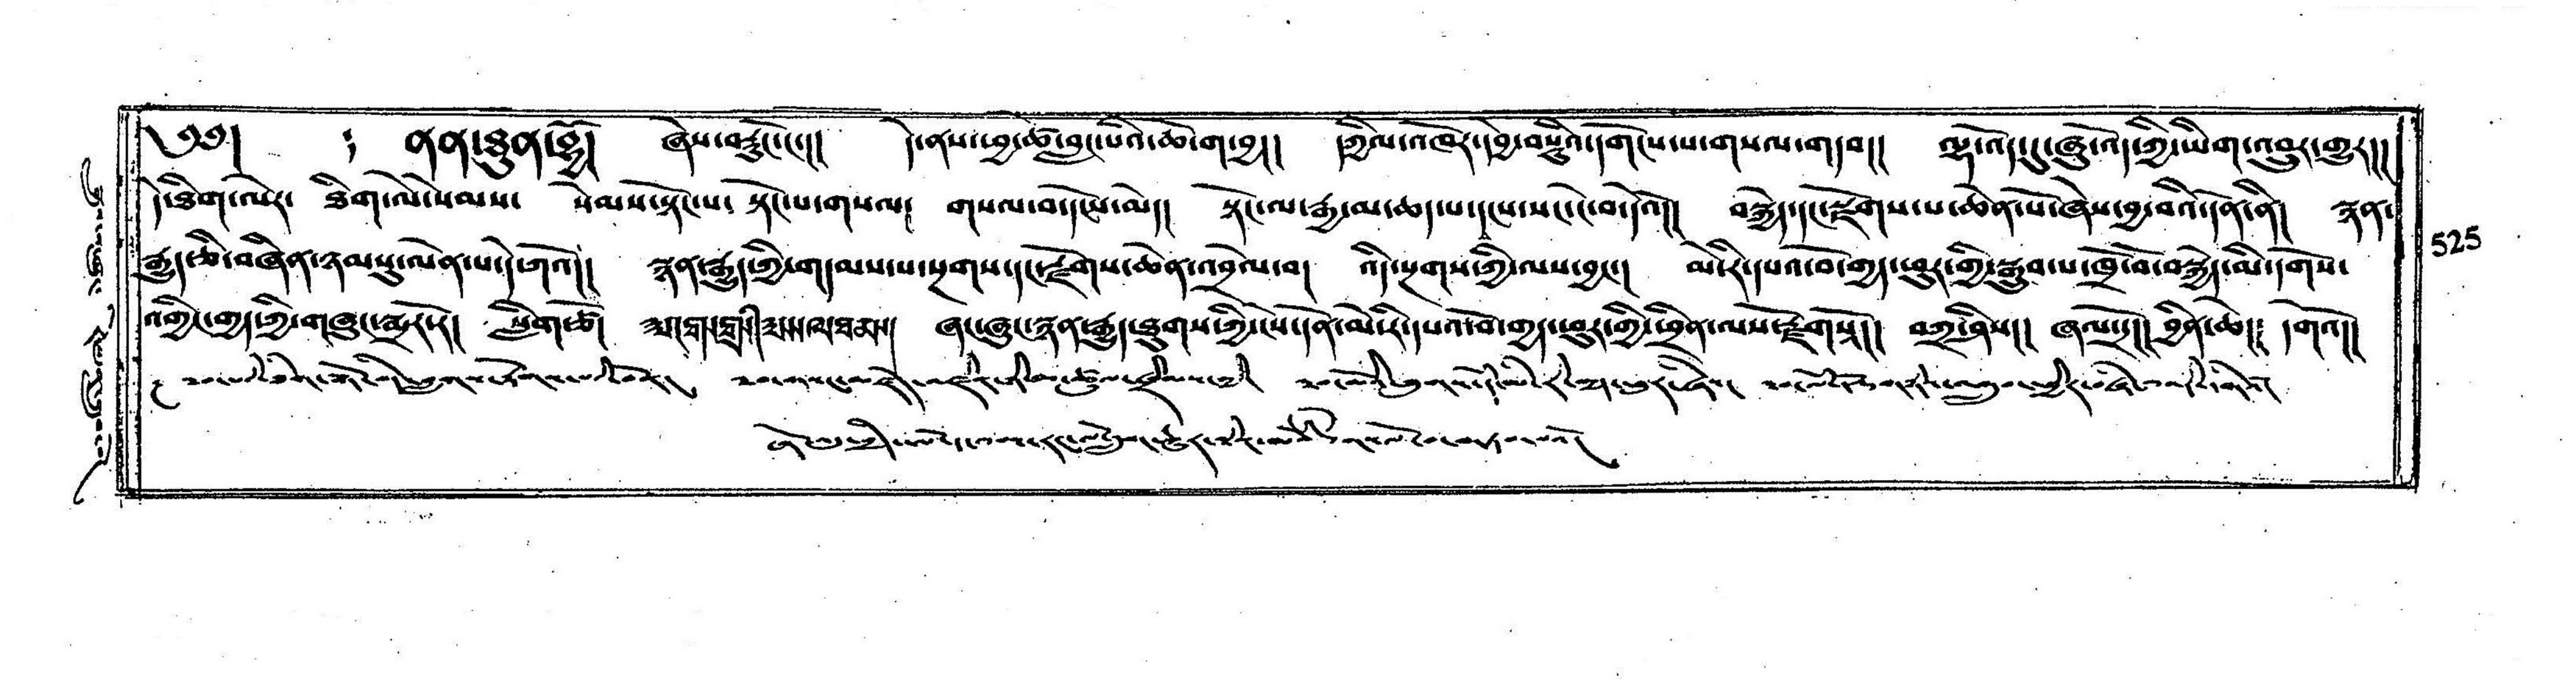ནན་ཐུན་བྷྱོ།། ཞེས་བརྡུང་ངོ་།། དེ་ནས་ཕྱ་ཚེ་བླང་པའི་ཆོ་ག་བྱ།། དཀྱིལ་འཁོར་དབྱེ་བསྡུའི་དགོངས་པ་གསལ་གདབ།། ལྷ་འོད་དུ་ཞུ་འོད་ཡིག་འབྲུར་གྱུར།། 
དེ་ཐིག་ལེར་ཐིག་ལེ་སེམས། སེམས་སྟོང་པ་སྟོང་པ་གསལ། གསལ་བ་དངོས་མེད། སྟོང་ལ་རྒྱ་མ་ཆད་པ་དྭངས་སང་ངེ་བ་དེའོ།། བསྐྱེད་དང་རྫོགས་པ་ཆེན་པོ་ཞེས་བྱ་བའི་དོན་ནི། སྙན་
རྒྱུད་ཅི་བཞིན་ཉམས་སུ་{541}ལེན་པ་དེ་ཀའོ། སྙན་རྒྱུད་ཀྱི་གདམས་པ་སྔགས་དང་རྫོགས་ཆེན་འབྲེལ་བ། འདི་སྔགས་ཀྱི་ལས་བྱང་། མེ་རི་དཔའ་བོ་གྱད་ཕུར་གྱི་སྒྲུབ་པ་ཁྲོ་བོ་བསྐྱེད་མི་དགོས་
འགྱིང་གྱད་ཀྱི་གཞུང་སྨྲར་རོ། སླིག་ཙོ། ་་་་་་་་ཞང་ཞུང་སྙན་རྒྱུད་ཐུགས་ཀྱི་ངེས་དོན་མེ་རི་དཔའ་བོ་གྱད་ཕུར་གྱིས་ཕྲིན་ལས་རྫོགས་སོ།། བཀྲ་ཤིས།། ཞལ་དྲོ།། བྱིན་ཆེ།། དགེའོ།། [‘khyug]